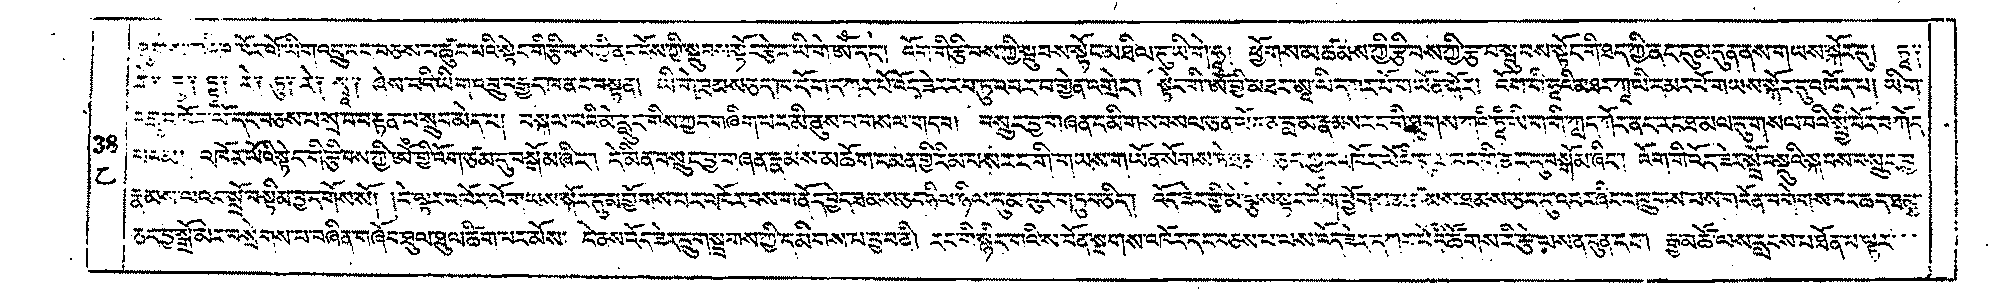ཐུགས་ཀའི་འཁོར་ལོ་ཡིག་འབྲུ་དང་བཅས་པ་ཚུད་པའི་སྟེང་གི་རྩིབས་ཀྱི་ནང་ངོས་ཀྱི་སྦུབས་སྟོང་རྩེར་ཡི་གེ་ཨོཾ་དང་། འོག་གི་རྩིབས་ཀྱི་སྦུབས་སྟོང་མཐིལ་དུ་ཡི་གེ་ཧཱུཾ། ཕྱོགས་མཚམས་ཀྱི་རྩིབས་ཀྱི་རྩ་བ་སྦུབས་སྟོང་གི་ཐད་ཀྱི་ནང་དུ་མདུན་ནས་གཡས་སྐོར་དུ། ཏཱ༑
རེ༑ ཏུ༑ ཏྟཱ༑ རེ༑ ཏུ༑ རེ༑ སྭཱ༑ ཞེས་པའི་ཡིག་འབྲུ་བརྒྱད་ཁ་ནང་བསྟན། ཡི་གེ་ཐམས་ཅད་ཁ་དོག་དཀར་པོ་འོད་ཟེར་རབ་ཏུ་འབར་བ་གྱེན་འགྲེང་། སྟེང་གི་ཨོཾ་གྱི་མཐར་ཨཱ་ལི་དཀར་པོ་གཡོན་སྐོར། འོག་གི་ཧཱཨི་མཐར་ཀཱ་ལི་དམར་པོ་གཡས་སྐོར་དུ་འཁོད་པ། ཡིག་
འབྲུ་འཁོར་ལོ་དང་བཅས་པ་སྲ་བ་བརྟན་པ་སྲུབ་མེད་པ། བསྐལ་པའི་མེ་རླུང་གིས་ཀྱང་གཞིག་པར་མི་ནུས་པ་གསལ་གདབ། བསྲུང་བྱ་གཞན་དམིགས་བསལ་ཅན་ཡོད་ན་བླ་མ་རྣམས་རང་གི་ཐུགས་ཀའི་ཏཱཾ་ཡིག་གི་ཀླད་ཀོར་ནང་རང་ཐ་མལ་དུ་གསལ་བའི་སྤྱི་བོར་བཀོད་
པའམ། འཁོར་ལོའི་སྟེང་གི་རྩིབས་ཀྱི་ཨོཾ་གྱི་འོག་ཙམ་དུ་བསྒོམ་ཞིང་། དེ་མིན་བསྲུང་བྱ་གཞན་རྣམས་མཆོག་དམན་གྱི་རིམ་པས་རང་གི་གཡས་གཡོན་སོགས་ཏེ་ཐམས་ཅད་ཀྱང་འཁོར་ལོའི་གུར་ཁང་གི་ནང་དུ་བསྒོམ་ཞིང་། འོག་གི་འོད་ཟེར་སྤྲོ་བསྡུའི་སྐབས་བསྲུང་བྱ་
རྣམས་ལའང་སྤྲོ་བསྟིམ་བྱ་དགོས་སོ། །དེ་ལྟར་འཁོར་ལོ་གཡས་སྐོར་དུ་མགྱོགས་པར་འཁོར་བས་གནོད་བྱེད་ཐམས་ཅད་ཉིལ་ཉིལ་དུམ་བུར་གཏུབ་ཅིད། འོད་ཟེར་གྱི་མེ་ལྕེས་སྟེང་འོག་ཕྱོགས་མཚམས་ཐམས་ཅད་དུ་འབར་ཞིང་འཁྲུགས་པས་གདོན་བགེགས་བར་ཆད་ཐམས་
ཅད་བྱ་སྒྲོ་མེར་བསྲེགས་པ་བཞིན་གཞོབ་ཐུལ་ཐུལ་ཚིག་པར་མོས། དེ་ནས་འོད་ཟེར་དྲུག་སྦྲགས་ཀྱི་དམིགས་པ་བྱ་བ་ནི། རང་གི་སྙིང་གའི་ས་བོན་སྔགས་འཁོར་དང་བཅས་པ་ལས་འོད་ཟེར་དཀར་པོའི་ཚོགས་རི་རྩེ་ལས་ན་བུན་དང་། རྒྱ་མཚོ་ལས་རླངས་པ་ཐོན་པ་ལྟར་་་